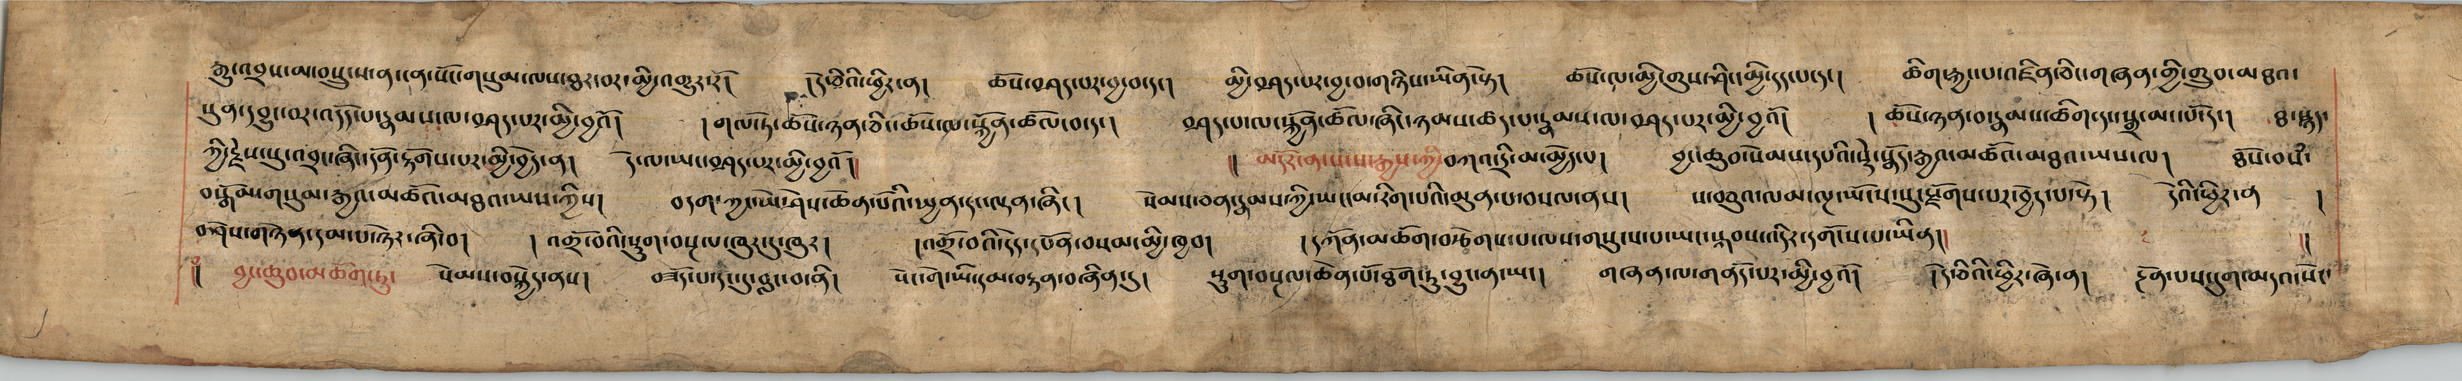རྒྱུ་འབྲས་མ་བསྲུངས་ན་ངན་སོང་གསུམ་ལས་ཐར་བར་མྱི་འགྱུར་རོ། །དེ་ཅིའི་ཕྱིར་ན། ཆོས་བཤད་པར་བྱ་བ་དང། མྱི་བཤད་པར་བྱ་བ་གཉིས་ཡིན་སྟེ། ཆོས་ལ་མྱི་གུས་ཤིང་མྱི་དད་པ་དང། ཚིག་རྐྱང་པ་འཛིན་ཅིང་གཞན་གྱི་གྲུབ་མཐའ་
སུན་དབྱུང་བར་འདོད་པ་རྣམས་ལ་བཤད་པར་མྱི་བྱའོ། །གལ་ཏེ་ཆོས་ཉན་ཅིང་ཆོས་ལ་སྐྱོན་ཚོལ་བ་དང། བཤད་པ་ལ་སྐྱོན་ཚོལ་ཞིང་ཉམས་ཚད་པ་རྣམས་ལ་བཤད་པར་མྱི་བྱའོ། ། ཆོས་ཉན་བ་རྣམས་ཚིག་དང་སྒྲ་མང་པོ་དང། ཐ་སྙད་
ཀྱི་རྗེས་སུ་འབྲང་ཞིང་དོན་རྟོགས་པར་མྱི་བྱེད་ན། དེ་ལ་ཡང་བཤད་པར་མྱི་བྱའོ།། །། མདོར་ན་སངས་རྒྱས་ཀྱི་བཀའ་དྲི་མ་མྱེད་པ། བྱང་ཆུབ་སེམས་དཔའི་སྡེ་སྣོད་རྒྱའ་མཚོའ་མཐའ་ཡས་ལ། ཐོས་བསཾ་
བསྒོམ་གསུམ་རྒྱའ་མཚོའ་མཐའ་ཡས་ཀྱིས། བདག་ཀྱང་ཡེ་ཤེས་ཆེན་པོའི་སྤྱན་དང་ལྡན་ཞིང། སེམས་ཅན་རྣམས་ཀྱི་ཡང་མ་རིག་པའི་མུན་པ་བསལ་ནས། ས་བཅུའ་ལམ་ལྔ་ཡོངས་སུ་སྫོགས་པར་བྱེད་པ་སྟེ། དེའི་ཕྱིར་ན
བཤེས་གཉེན་དམ་པ་ཉེར་ཞི་བ། ། འགྲོ་བའི་སྡུག་བསྔལ་ཁུར་དུ་ཁུར། །འགྲོ་བའི་དེད་དཔོན་བསམ་མྱི་ཁྱབ། །དཀོན་མཆོག་བརྩེགས་པ་ལས་གསུངས་པ་ཡང་སྐབས་འདིར་དགོངས་པ་ཡིན།།
བྱང་ཆུབ་མཆོག་ཏུ་ སེམས་བསྐྱེད་ནས། བཟོད་པ་དང་དུ་བླང་བ་ནི། སེང་གེ་ཡི་དམ་བརྟན་བཞིན་དུ། སྡུག་བསྔལ་ཆེན་པོ་ཐོག་ཏུ་བྱུང་ན་ཡང། གཞན་ལ་གནོད་པ་མྱི་བྱའོ། ། དེ་ཅིའི་ཕྱིར་ཞེ་ན། རྔོན་པས་དུག་མདའ་སོང་